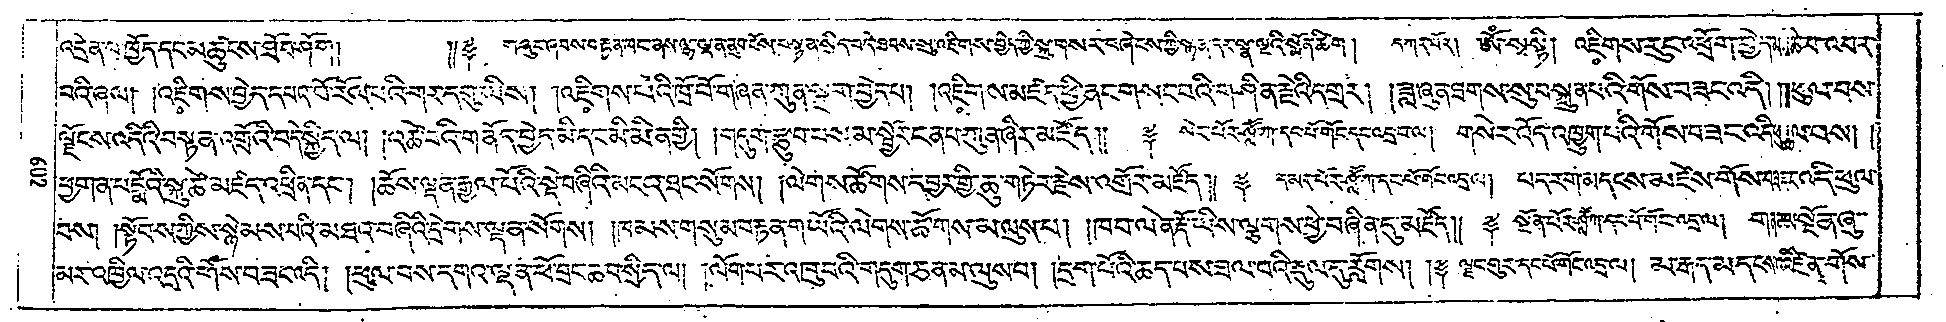འདྲེན་པ་ཁྱོད་དང྾་མཚུངས་ཐོབ་ཤོག ། །།༈ གཞུང་ཞབས་བརྟན་ཁང་ནས་ལྷ་ལྡན་ནུབ་ངོས་བསྟན་སྲིད་བདེ་ཐབས་སུ་འཇིགས་བྱེད་ཀྱི་སྐུ་གསར་བཞེངས་ཀྱི་སྙན་དར་སྣ་ལྔའི་སྨོན་ཚིག །དཀར་པོར།  ཨོཾ་སྭ་སྟི། འཇིགས྾་རུང་འཕྲོག་བྱེད་མཆེ་བ་འབར་
བའི་ཞལ། །འཇིགས྾་བྱེད་དཔའ་བོ་རོལ་པའི་གར་དགུ་ཡིས། །འཇིགས྾་པའི་ཁྲོ་བོ་གཞན་ཀུན་སྐྲག་བྱེད་པ། །འཇིགས྾་མཛད་ཕྱི་ནང་གསང་བའི་གཤིན་རྗེའི་དགྲར། །ཟླ་ཞུན་ཐགས་སུ་བསྐྲུན་པའི་གོས་བཟང་འདི། །ཕུལ་བས་
ལྗོངས་འདིའི་བསྟན་འགྲོའི་བདེ་སྐྱིད་ལ། །འཚེ་བའི་གནོད་བྱེད་མི་དང་མི་མིན་གྱི། །གདུག་རྩུབ་བསམ་སྦྱོར་ངན་པ་ཀུན་ཞིར་མཛོད།། ༈ སེར་པོར་ཤླཽ་ཀ་དང་པོ་གོང་དང་འདྲ་བ་ལ།  གསེར་འོད་འཁྱུག་པའི་གོས་བཟང་འདི་ཕུལ་བས། །
ཕྱག་ན་པདམོའི་སྐུ་ཚེ་མཛད་འཕྲིན་དང་། །ཆོས་ལྡན་རྒྱལ་པོའི་སྡེ་བཞིའི་མངའ་ཐང་སོགས། །ལེགས་ཚོགས་དབྱར་གྱི་ཆུ་གཏེར་རྗེས་འགྲོར་མཛོད།། ༈ དམར་པོར་ཤླཽ་ཀ་དང་པོ་གོང་འདྲ་ལ།  པད་རག་མདངས་མཛེས་གོས་བཟང་འདི་ཕུལ་
བས། །སྟོབས་ཀྱིས་སྙེམས་པའི་མཐའ་བཞིའི་དྲེགས་ལྡན་སོགས། །ཁམས་གསུམ་བརྟན་གཡོའི་ལེགས་ཚོགས་མ་ལུས་པ། །ཁབ་ལེན་རྡོ་ཡིས་ལྕགས་ཕྱེ་བཞིན་དུ་མཛོད།། ༈ སྔོན་པོར་ཤླཽ་ཀ་དང་པོ་གོང་འབྲལ།  གནམ་སྔོན་ཞུ་
མར་འཁྱིལ་འདྲའི་གོས་བཟང་འདི། །ཕུལ་བས་དགའ་ལྡན་ཕོ་བྲང་ཆབ་སྲིད་ལ། །ལོག་པར་འཁུ་བའི་གདུག་ཅན་མ་ལུས་པ། །དྲག་པོའི་ཆད་པས་ཐལ་བའི་རྡུལ་དུ་རློགས། །༈ ལྗང་གུར་དང་པོ་གོང་འདྲ་ལ།  མ་རྒད་མདངས་འཛིན་གོས་